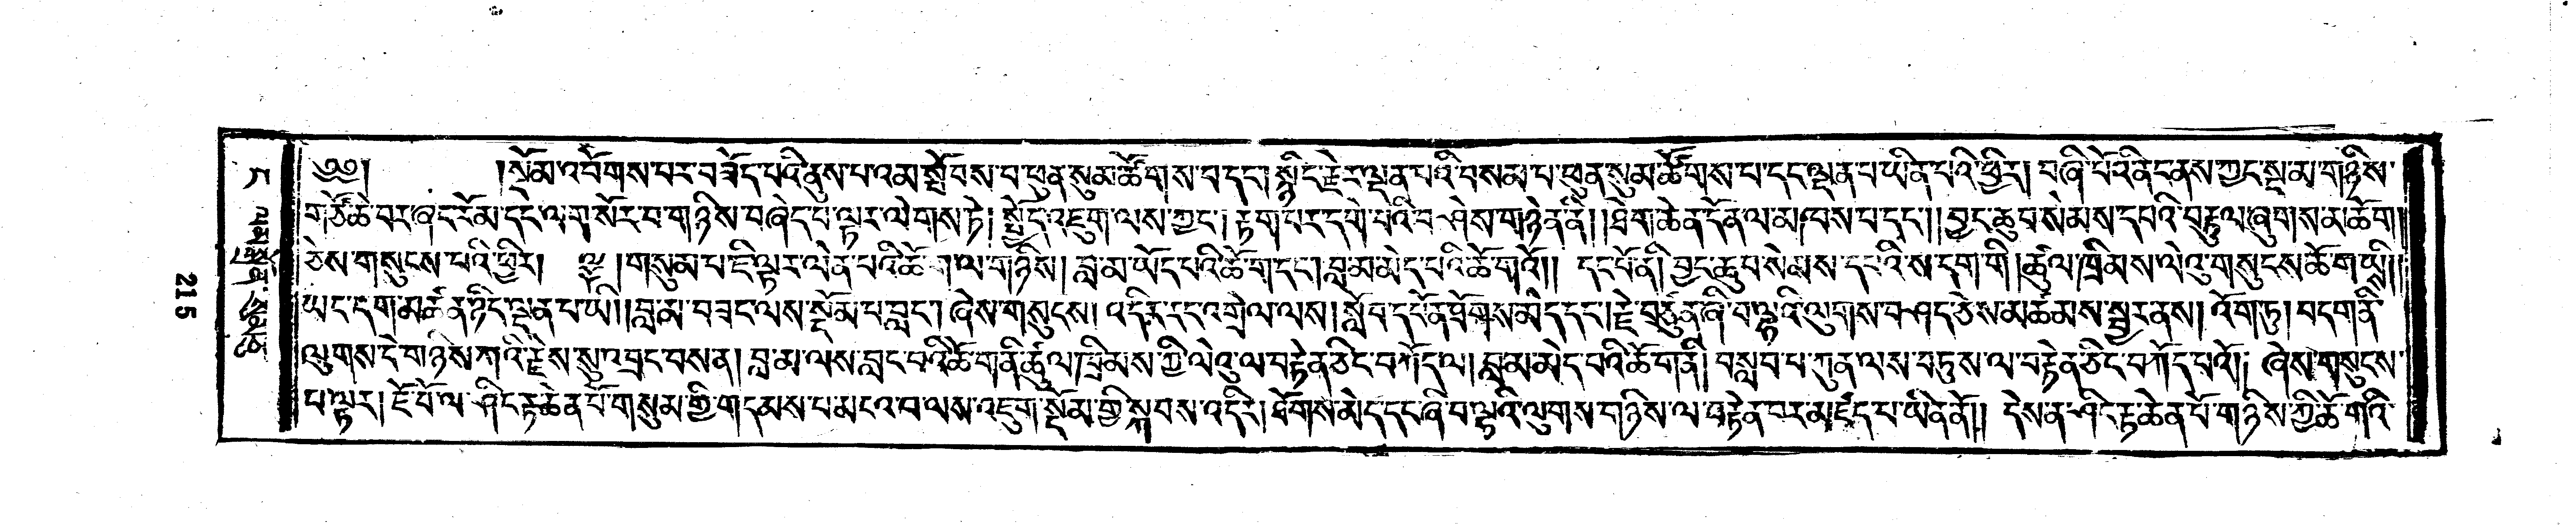༄༅། །སྡོམ་འབོགས་པར་བཟོད་པའི་ནུས་པའམ་སྤོབས་པ་ཕུན་སུམ་ཚོགས་པ་དང་། སྙིང་རྗེར་ལྡན་པའི་བསམ་པ་ཕུན་སུམ་ཚོགས་པ་དང་ལྡན་པ་ཡིན་པའི་ཕྱིར། བཞི་པོའི་ནང་ནས་ཀྱང་སྔ་མ་གཉིས་
གཙོ་ཆེ་བར་ཞང་རོམ་དང་ལག་སོར་བ་གཉིས་བཞེད་པ་ལྟར་ལེགས་ཏེ། སྤྱོད་འཇུག་ལས་ཀྱང་། རྟག་པར་དགེ་བའི་བཤེས་གཉེན་ནི། །ཐེག་ཆེན་དོན་ལ་མཁས་པ་དང་། །བྱང་ཆུབ་སེམས་དཔའི་བརྟུལ་ཞུགས་མཆོག །
ཅེས་གསུངས་པའི་ཕྱིར། ༈ །གསུམ་པ་ཇི་ལྟར་ལེན་པའི་ཆོ་ག་ལ་གཉིས། བླ་མ་ཡོད་པའི་ཆོ་ག་དང་། བླ་མ་མེད་པའི་ཆོ་གའོ། །དང་པོ་ནི། བྱང་ཆུབ་སེམས་དཔའི་ས་དག་གི །ཚུལ་ཁྲིམས་ལེའུ་གསུངས་ཆོག་ཡིས། །
ཡང་དག་མཚན་ཉིད་ལྡན་པ་ཡི། །བླ་མ་བཟང་ལས་སྡོམ་པ་བླང་། ཞེས་གསུངས། འདིར་རང་འགྲེལ་ལས། སློབ་དཔོན་ཐོགས་མེད་དང་། རྗེ་བཙུན་ཞི་བ་ལྷའི་ལུགས་བཤད་ཅེས་མཚམས་སྦྱར་ནས། འོག་ཏུ། བདག་ནི་
ལུགས་དེ་གཉིས་ཀའི་རྗེ་སུ་འབྲང་བས་ན། བླ་མ་ལས་བླང་བའི་ཆོ་ག་ནི་ཚུལ་ཁྲིམས་ཀྱི་ལེའུ་ལ་བརྟེན་ཅིང་བཀོད་ལ། བླ་མ་མེད་པའི་ཆོ་ག་ནི། བསླབ་པ་ཀུན་ལས་བཏུས་ལ་བརྟེན་ཅིང་བཀོད་པའོ། །ཞེས་གསུངས་
པ་ལྟར། ཇོ་བོ་ལ་ཤིང་རྟ་ཆེན་པོ་གསུམ་གྱི་གདམས་པ་མངའ་བ་ལས་འཇུག་སྡོམ་གྱི་སྐབས་འདིར། ཐོགས་མེད་དང་ཞི་བ་ལྷའི་ལུགས་གཉིས་ལ་བརྟེན་པར་མཛད་པ་ཡིན་ནོ། །དེས་ན་ཤིང་རྟ་ཆེན་པོ་གཉིས་ཀྱི་ཆོ་གའི་